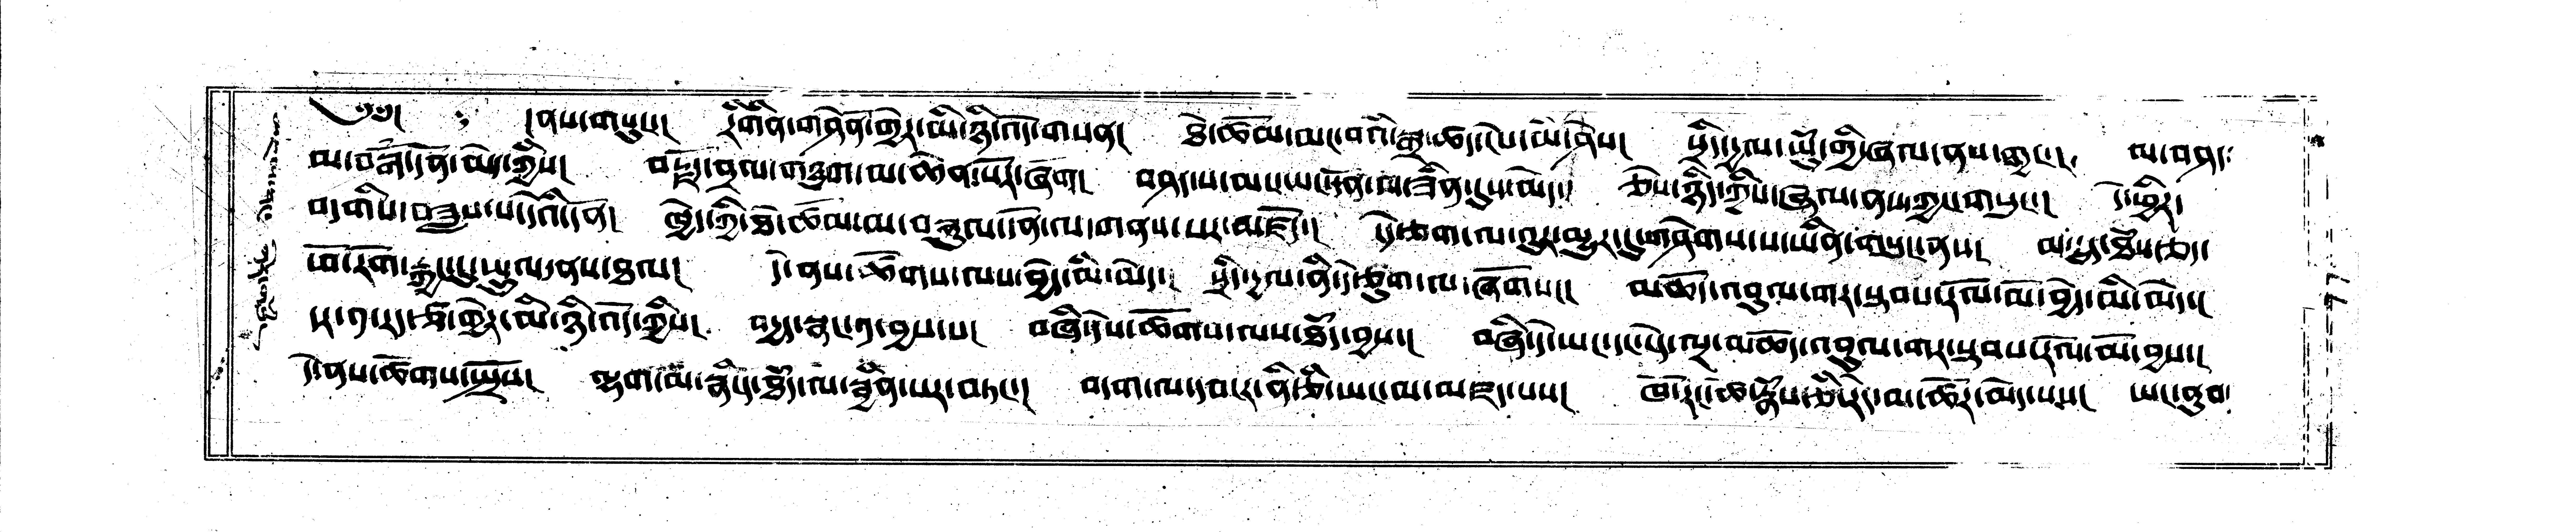ནས་གསུངས། རིག་འཛིན་གཤེན་པོ་གྱེར་མི་ཉི་འོད་གསན། ཐེ་ཚོམ་མང་བའི་སྒྲ་ཚད་ངས་མི་ཤེས། སྲིད་རྒྱལ་ཡུམ་གྱི་ཞལ་ནས་ཀྱང་། མ་བཤད་
མ་བསྒོམ་དོན་མེད་ཀྱིས། བརྗོད་བྲལ་གཉུག་མ་ཆེན་པོར་ཞོག བཤད་པ་མང་ཡང་དོན་ལ་ཟིན་དུས་མེད། ཅེས་ཉིད་ཀྱིས་ཞལ་ནས་ཀྱང་གསུང་། དེ་ཕྱིར་
བདག་གིས་བཟླས་པ་དེའི་དོན། ཁྱེད་ཀྱི་ཐེ་ཚོམ་མ་བསྐུལ་དོན་ལ་གནས་པར་མཛོད། ངེད་ཅག་ལ་འུར་མྱུར་དུ་གཤེགས་པ་ཡིན་གསུང་ནས། མ་རྒྱུད་ཐམས་ཅད་
ཕོ་རོག་རྐྱང་དུ་སྤྲུལ་ནས་ཐལ། དེ་ནས་ཚོགས་ལས་བྱེད་མི་མེད། སྲིད་རྒྱལ་ནི་དེ་ཙུག་ལ་ཞོགས། མཆོད་འབུལ་གར་སྟབས་རོལ་མོ་བྱེད་མི་མེད། 
དར་གཅིག་རེད་ཙ་གྱེར་མི་ཉི་འོད་ཀྱིས། བརྒྱད་སྣང་གཅིག་བྱས་པ། བཞི་དེས་ཚོགས་ལས་ཐམས་ཅད་བྱས། བཞི་དེ་ཡང་དང་ངེད་ལྔ་མཆོད་འབུལ་གར་སྟབས་རོལ་མོ་བྱས། 
དེ་ནས་ཚོགས་སྤྲོས། ལྷག་མ་སྣང་སྲིད་ཐམས་ཅད་ལ་སྦྱིན་པར་བཏང་། བདག་ལ་དབང་བསྐུར་ནི་ཅི་ཡང་མ་མཛད་པས། ཁོ་རང་ཚོ་རྣམས་ཅི་རེད་མ་ཚོར་མེད་པས། ཡང་ནུབ་